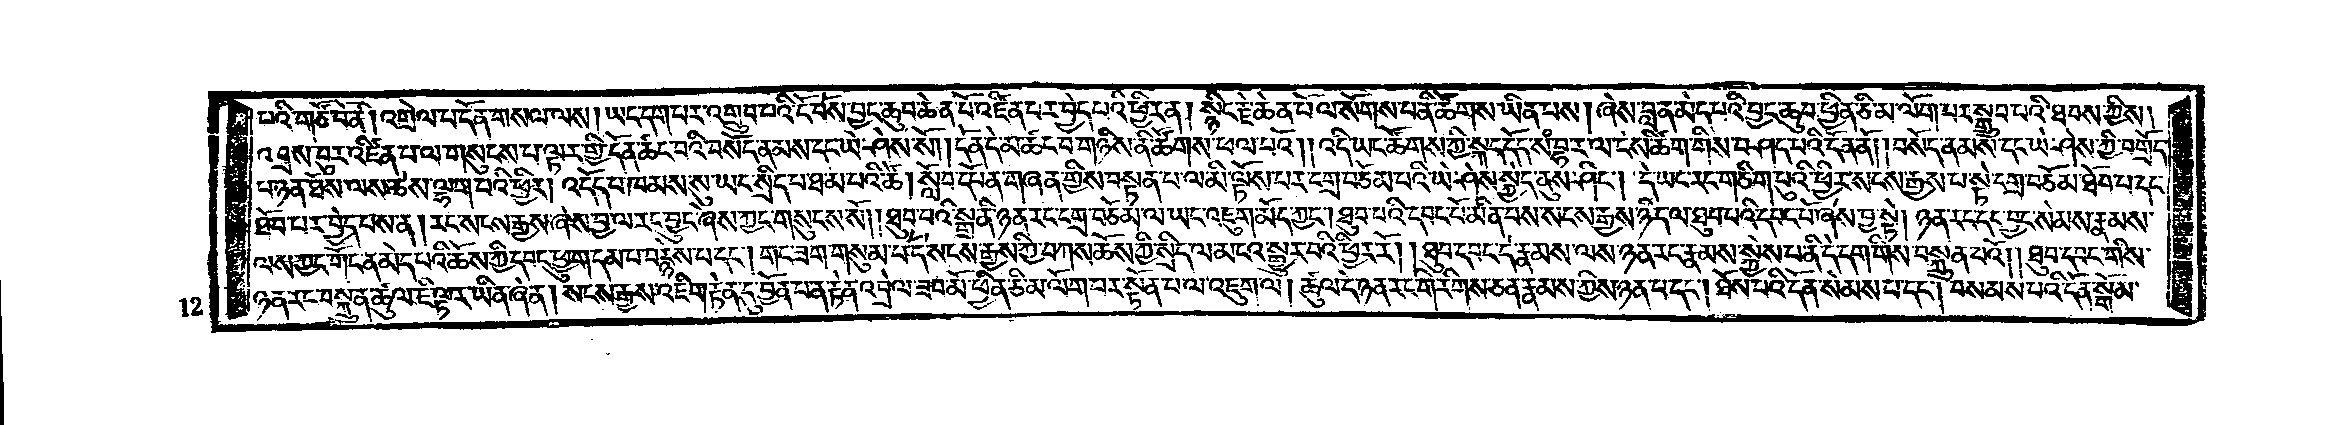པའི་གཙོ་བོ་ནི། འགྲོལ་པ་དོན་གསལ་ལས། ཡང་དག་པར་འགྲུབ་པའི་ངོ་བོས་བྱང་ཆུབ་ཆེན་པོ་འཛིན་པར་བྱེད་པའི་ཕྱིར་ན། སྙིང་རྗེ་ཆེན་པོ་ལ་སོགས་པ་ནི་ཚོགས་ཡིན་པས། ཞེས་བླ་ན་མེད་པའི་བྱང་ཆུབ་ཕྱིན་ཅི་མ་ལོག་པར་སྒྲུབ་པའི་ཐབས་ཀྱིས།
འབྲས་བུར་འཛིན་པ་ལ་གསུངས་པ་ལྟར་གྱི་དོན་ཚང་བའི་བསོད་ནམས་དང་ཡེ་ཤེས་སོ། །དོན་དེ་མ་ཚང་བ་གཉིས་ནི་ཚོགས་ཕལ་པའོ། །འདི་ཡང་ཚོགས་ཀྱི་སྐད་དོད་སཾ་བྷ་ར་ལ་ངེས་ཚིག་གིས་བཤད་པའི་དོན་ནོ། །བསོད་ནམས་དང་ཡེ་ཤེས་ཀྱི་བགྲོད་
པ་ཉན་ཐོས་ལས་ཆེས་ལྷག་པའི་ཕྱིར། འདོད་པ་ཁམས་སུ་ཡང་སྲིད་པ་ཐ་མ་པའི་ཚེ། སློབ་དཔོན་གཞན་གྱིས་བསྟན་པ་ལ་མི་ལྟོས་པར་དགྲ་བཅོམ་པའི་ཡེ་ཤེས་སྐྱེད་ནུས་ཤིང་། དེ་ཡང་རང་གཅིག་པུའི་ཕྱིར་སངས་རྒྱས་པ་སྟེ་དགྲ་བཅོམ་ཐོབ་པ་དང་
ཐོབ་པར་བྱེད་པས་ན། རང་སངས་རྒྱས་ཞེས་བྱ་ལ་རང་བྱུང་ཞེས་ཀྱང་གསུངས་སོ། །ཐུབ་པའི་སྒྲ་ནི་ཉན་རང་དགྲ་བཅོམ་ལ་ཡང་འཇུག་མོད་ཀྱང་། ཐུབ་པའི་དབང་པོ་མིན་པས་སངས་རྒྱས་ཉིད་ལ་ཐུབ་པའི་དབང་པོ་ཞེས་བྱ་སྟེ། ཉན་རང་དང་བྱང་སེམས་རྣམས་
ལས་ཀྱང་གོང་ན་མེད་པའི་ཆོས་ཀྱི་དབང་ཕྱུག་དམ་པ་བརྙེས་པ་དང་། གང་ཟག་གསུམ་པ་དེ་སངས་རྒྱས་ཀྱི་བཀས་ཆོས་ཀྱི་སྲིད་ལ་མངའ་སྒྱུར་བའི་ཕྱིར་རོ། །ཐུབ་དབང་དེ་རྣམས་ལས་ཉན་རང་རྣམས་སྐྱེས་པ་ནི་དེ་དག་གིས་བསྐྲུན་པའོ། །ཐུབ་དབང་གིས་
ཉན་རང་བསྐྲུན་ཚུལ་ཇི་ལྟར་ཡིན་ཞེ་ན། སངས་རྒྱས་འཇིག་རྟེན་དུ་བྱོན་པ་ན་རྟེན་འབྲེལ་ཟབ་མོ་ཕྱིན་ཅི་མ་ལོག་པར་སྟོན་པ་ལ་འཇུག་ལ། ཚུལ་དེ་ཉན་རང་གི་རིགས་ཅན་རྣམས་ཀྱིས་ཉན་པ་དང་། ཐོས་པའི་དོན་སེམས་པ་དང་། བསམས་པའི་དོན་སྒོམ་